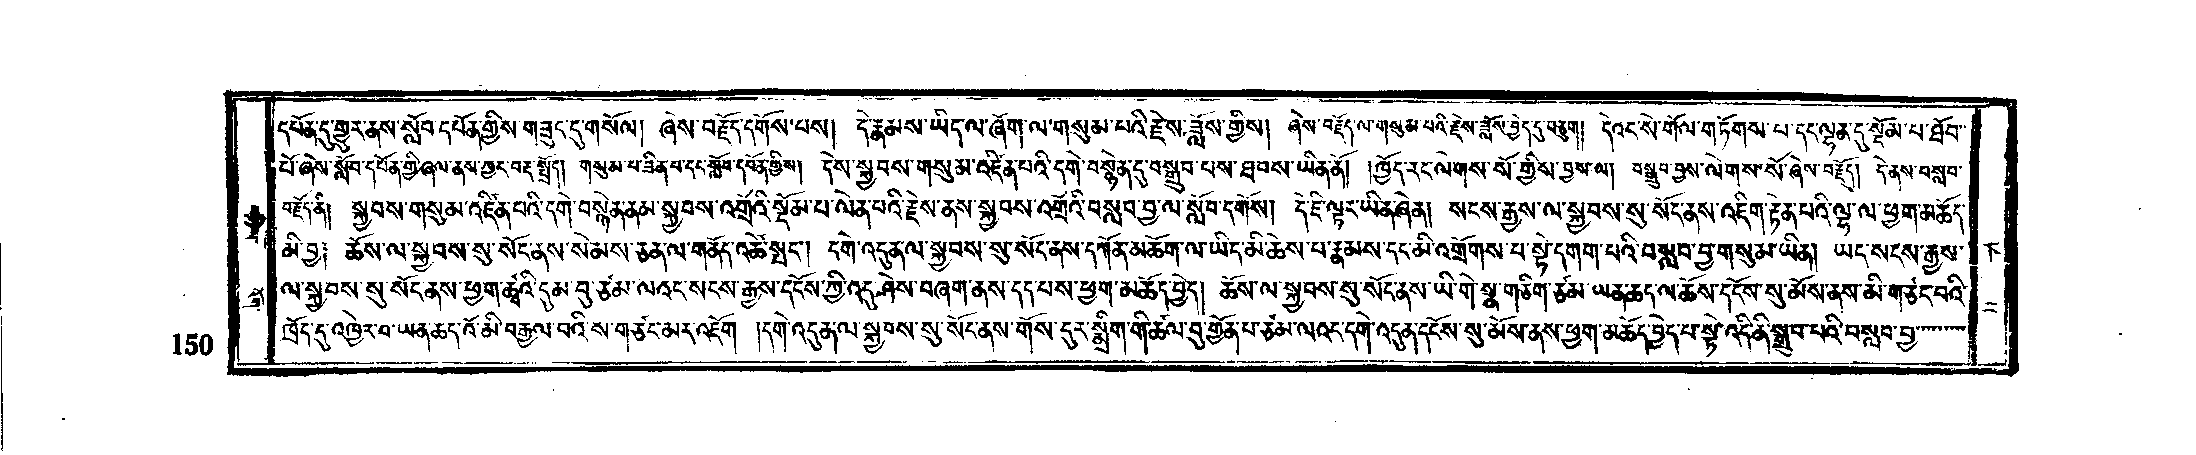དཔོན་དུ་གྱུར་ནས་སློབ་དཔོན་གྱིས་གཟུང་དུ་གསོལ། ཞེས་བརྗོད་དགོས་པས། དེ་རྣམས་ཡིད་ལ་ཞོག་ལ་གསུམ་པའི་རྗེས་ཟློས་གྱིས། ཞེས་བརྗོད་ལ་གསུམ་པའི་རྗེས་ཟློས་བྱེད་དུ་བཅུག་།དེའང་སེ་གོལ་གཏོགས་པ་དང་ལྷན་དུ་སྡོམ་པ་ཐོབ་
པོ་ཞེས་སློབ་དཔོན་གྱི་ཞལ་ནས་ཀྱང་བརྡ་སྤྲོད། གསུམ་པ་ཟིན་པ་དང་སློབ་དཔོན་གྱིས།  དེས་སྐྱབས་གསུམ་འཛིན་པའི་དགེ་བསྙེན་དུ་བསྒྲུབ་པས་ཐབས་ཡིན་ནོ། །ཁྱོད་རང་ལེགས་སོ་གྱིས་བྱས་ལ། བསྒྲུབ་བྱས་ལེགས་སོ་ཞེས་བརྗོད། དེ་ནས་བསླབ་
བརྗོད་ནི། སྐྱབས་གསུམ་འཛིན་པའི་དགེ་བསྙེན་ནམ་སྐྱབས་འགྲོའི་སྡོམ་པ་ལེན་པའི་རྗེས་ནས་སྐྱབས་འགྲོའི་བསླབ་བྱ་ལ་སློབ་དགོས། དེ་ཇི་ལྟར་ཡིན་ཞེ་ན། སངས་རྒྱས་ལ་སྐྱབས་སུ་སོང་ནས་འཇིག་རྟེན་པའི་ལྷ་ལ་ཕྱག་མཆོད་
མི་བྱ༑ ཆོས་ལ་སྐྱབས་སུ་སོང་ནས་སེམས་ཅན་ལ་གནོད་འཚེ་སྤང་། དགེ་འདུན་ལ་སྐྱབས་སུ་སོང་ནས་དཀོན་མཆོག་ལ་ཡིད་མི་ཆེས་པ་རྣམས་དང་མི་འགྲོགས་པ་སྟེ་དགག་པའི་བསླབ་བྱ་གསུམ་ཡིན། ཡང་སངས་རྒྱས་
ལ་སྐྱབས་སུ་སོང་ནས་ཕྱག་ཚྭའི་དུམ་བུ་ཙམ་ལའང་སངས་རྒྱས་དངོས་ཀྱི་འདུ་ཤེས་བཞག་ནས་དད་པས་ཕྱག་མཆོད་བྱེད། ཆོས་ལ་སྐྱབས་སུ་སོང་ནས་ཡི་གེ་སྣ་གཅིག་ཙམ་ཡན་ཆད་ལ་ཆོས་དངོས་སུ་མོས་ནས་མི་གཙང་བའི་
ཁྲོད་དུ་འཁྱེར་བ་ཡན་ཆད་འོ་མི་བརྒྱལ་བའི་ས་གཙང་མར་འཇོག །དགེ་འདུན་ལ་སྐྱབས་སུ་སོང་ནས་གོས་དུར་སྨྲིག་གི་ཚལ་བུ་གྱོན་པ་ཙམ་ལའང་དགེ་འདུན་དངོས་སུ་མོས་ནས་ཕྱག་མཆོད་བྱེད་པ་སྟེ་འདི་ནི་སྒྲུབ་པའི་བསླབ་བྱ་